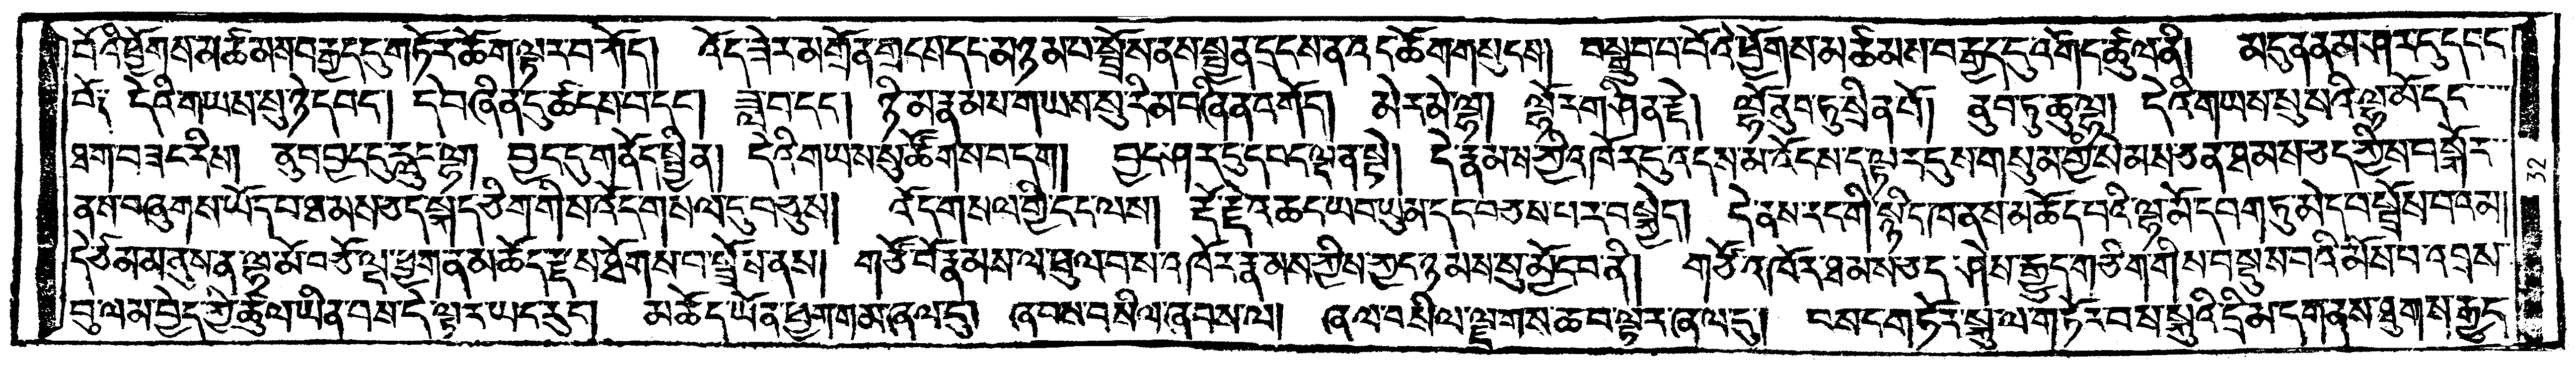བོའི་ཕྱོགས་མཚམས་བརྒྱད་དུ་གཏོར་ཆོག་ལྟར་བཀོད། འོད་ཟེར་མགྲོན་གྲངས་དང་མཉམ་པ་སྤྲོས་ནས་སྤྱན་དྲངས་ནའང་ཆོག་གསུངས། བསྒྲུབ་བ་པོའི་ཕྱོགས་མཚམས་བརྒྱད་དུ་འགོད་ཚུལ་ནི། མདུན་ནམ་ཤར་དུ་དབང་
བོ༑ དེའི་གཡས་སུ་ཉེ་དབང་། དེ་བཞིན་དུ་ཚངས་བ་དང་། ཟླ་བ་དང་། ཉི་མ་རྣམས་གཡས་སུ་རིམ་བཞིན་འགོད། མེར་མེ་ལྷ། ལྷོར་གཤིན་རྗེ། ལྷོ་ནུབ་ཏུ་སྲིན་པོ། ནུབ་ཏུ་ཆུ་ལྷ། དེའི་གཡས་སུ་སའི་ལྷ་མོ་དང་
ཐག་བཟང་རིས། ནུབ་བྱང་དུ་རླུང་ལྷ། བྱང་དུ་གནོད་སྦྱིན། དེའི་གཡས་སུ་ཚོགས་བདག། བྱང་ཤར་དུ་དབང་ལྡན་སྟེ། དེ་རྣམས་ཀྱི་འཁོར་དུ་འདས་མ་འོངས་ད་ལྟར་དུས་གསུམ་གྱི་སེམས་ཅན་ཐམས་ཅད་ཀྱིས་བསྐོར་
ནས་བཞུགས་ཡོད་པ་ཐམས་ཅད་སྐད་ཅིག་གིས་འོད་གསལ་དུ་བཅུས། འོད་གསལ་གྱི་ངང་ལས། རྡོ་རྗེ་འཆང་ཡབ་ཡུམ་དང་བཅས་པར་བསྐྱེད། དེ་ནས་རང་གི་སྙིང་ཁ་ནས་མཆོད་པའི་ལྷ་མོ་དཔག་ཏུ་མེད་པ་སྤྲོས་པའམ།
དེ་ཙམ་མ་ནུས་ན་ལྷ་མོ་བཅོ་ལྔ་ཕྱག་ན་མཆོད་རྫས་ཐོགས་པ་སྤྲོས་ནས། གཙོ་བོ་རྣམས་ལ་ཕུལ་བས་འཁོར་རྣམས་ཀྱིས་ཀྱང་ཉམས་སུ་མྱོང་བ་ནི། གཙོ་འཁོར་ཐམས་ཅད་ཤེས་རྒྱུད་གཅིག་གིས་བསྡུས་བའི་མོས་བ་འབྲས་
བུ་ལམ་བྱེད་ཀྱི་ཚུལ་ཡིན་བས་དེ་ལྟར་ཡང་རུང་། མཆོད་ཡོན་ཕྱག་གམ་ཞལ་དུ། ཞབས་བསིལ་ཞབས་ལ། ཞལ་བསིལ་ལྗགས་ཆབ་ལྟར་ཞལ་དུ། བསང་གཏོར་སྐུ་ལ་གཏོར་བས་སྐུའི་དྲི་མ་དག་ནས་ཐུགས་རྒྱུད་